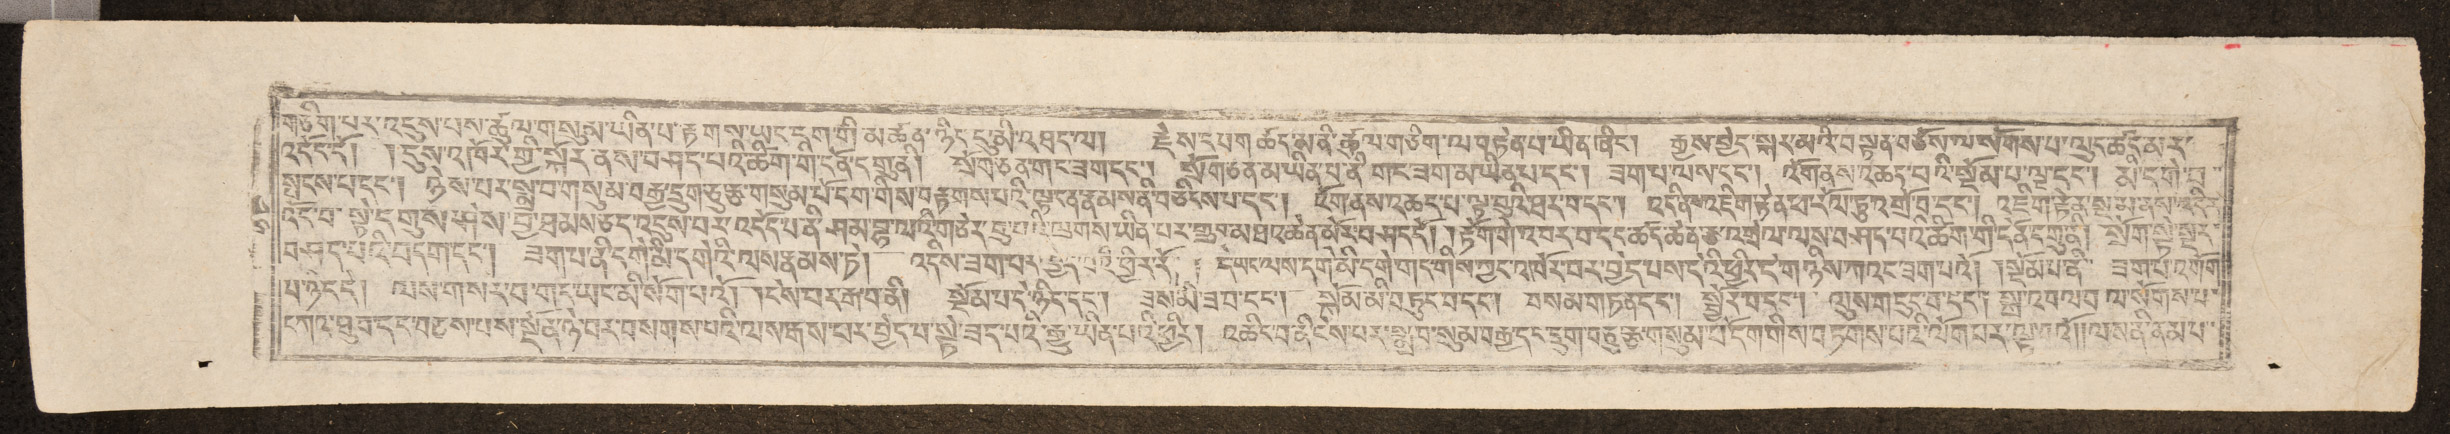གཅིག་པར་འདུས་པས་ཚུལ་གསུམ་ཡིན་པ་རྟགས་ཡང་དག་གི་མཚན་ཉིད་དུ་མི་འཐད་ལ། རྗེས་དཔག་ཚད་མ་ནི་ཚུལ་གཅིག་ལ་བརྟེན་པ་ཡིན་ཞིང་། རྒྱས་བྱེད་སྐར་མའི་བསྟན་བཅོས་ལ་སོགས་པ་ལུང་ཚང་མར་
འདོད་དོ། །དུས་འཁོར་གྱི་སྐོར་ནས་བཤད་པའི་ཚིག་གི་དོན་དགུ་ནི། སྲོག་ཅན་གང་ཟག་དང་། སྲོག་ཅན་མ་ཡིན་པ་ནི་གང་ཟག་མ་ཡིན་པ་དང་། ཟག་པ་ལས་དང་། འོག་ནས་འཆད་པའི་སྡོམ་པ་ལྔ་དང་། མི་དགེ་བ་
སྤངས་པ་དང་། ཉེས་པར་སྨྲ་བ་གསུམ་བརྒྱ་དྲུག་ཅུ་རྩ་གསུམ་པོ་དག་གིས་བརྟགས་པའི་ལྟ་ངན་རྣམས་ནི་བཅིངས་པ་དང་། འོག་ནས་འཆད་པ་ལྟ་བུའི་ཐར་བ་དང་། འདི་ནས་འཇིག་རྟེན་ཕ་རོལ་ཏུ་འགྲོ་བ་དང་། འཇིག་རྟེན་སྔ་མ་ནས་འདིར་
འོང་བ་སྟེ་དགུས་ཤེས་བྱ་ཐམས་ཅད་འདུས་པར་འདོད་པ་ནི་ཤམ་བྷ་ལའི་གཅེར་བུ་པའི་ལུགས་ཡིན་པར་གྲུབ་མཐའ་ཆེན་མོར་བཤད་དོ། །རྟོག་གེ་འབར་བ་དང་ཚད་ཆེན་རྩ་འགྲེལ་ལས་བཤད་པའི་ཚིག་གི་དོན་དགུ་ནི། སྲོག་སྟེ་སྔར་
བཤད་པའི་བདག་དང་། ཟག་པ་ནི་དགེ་མི་དགེའི་ལས་རྣམས་ཏེ། འདིས་ཟག་པར་བྱེད་པའི་ཕྱིར་རོ། །དེ་ཡང་ལས་དགེ་མི་དགེ་གང་གིས་ཀྱང་འཁོར་བར་བྱེད་པས་དེའི་ཕྱིར་དེ་གཉིས་ཀའང་ཟག་པའོ། །སྡོམ་པ་ནི་ཟག་པ་འགོག་
པ་ཉིད་དེ། ལས་གསར་བ་གང་ཡང་མི་སོག་པའོ། །ངེས་པར་རྒ་བ་ནི། སྡོམ་པ་དེ་ཉིད་དང་། ཟས་མི་ཟ་བ་དང་། སྐོམ་མི་བཏུང་བ་དང་། བསམ་གཏན་དང་། སྦྱོར་བ་དང་། ལུས་གདུད་བ་དང་། སྐྲ་འབལ་བ་ལ་སོགས་པ་
དཀའ་ཐུབ་དང་བཅས་པས་སྔོན་ཉེ་བར་བསགས་པའི་ལས་རྒས་པར་བྱེད་པ་སྟེ་ཟད་པའི་རྒྱུ་ཡིན་པའི་ཕྱིར། འཆིང་བ་ནི་ངེས་པར་སྨྲ་བ་སུམ་བརྒྱ་དང་དྲུག་བཅུ་རྩ་གསུམ་པ་དོག་གིས་བཏགས་པའི་ལོག་པར་ལྟ་བའོ། །ལས་ནི་ནམ་པ་